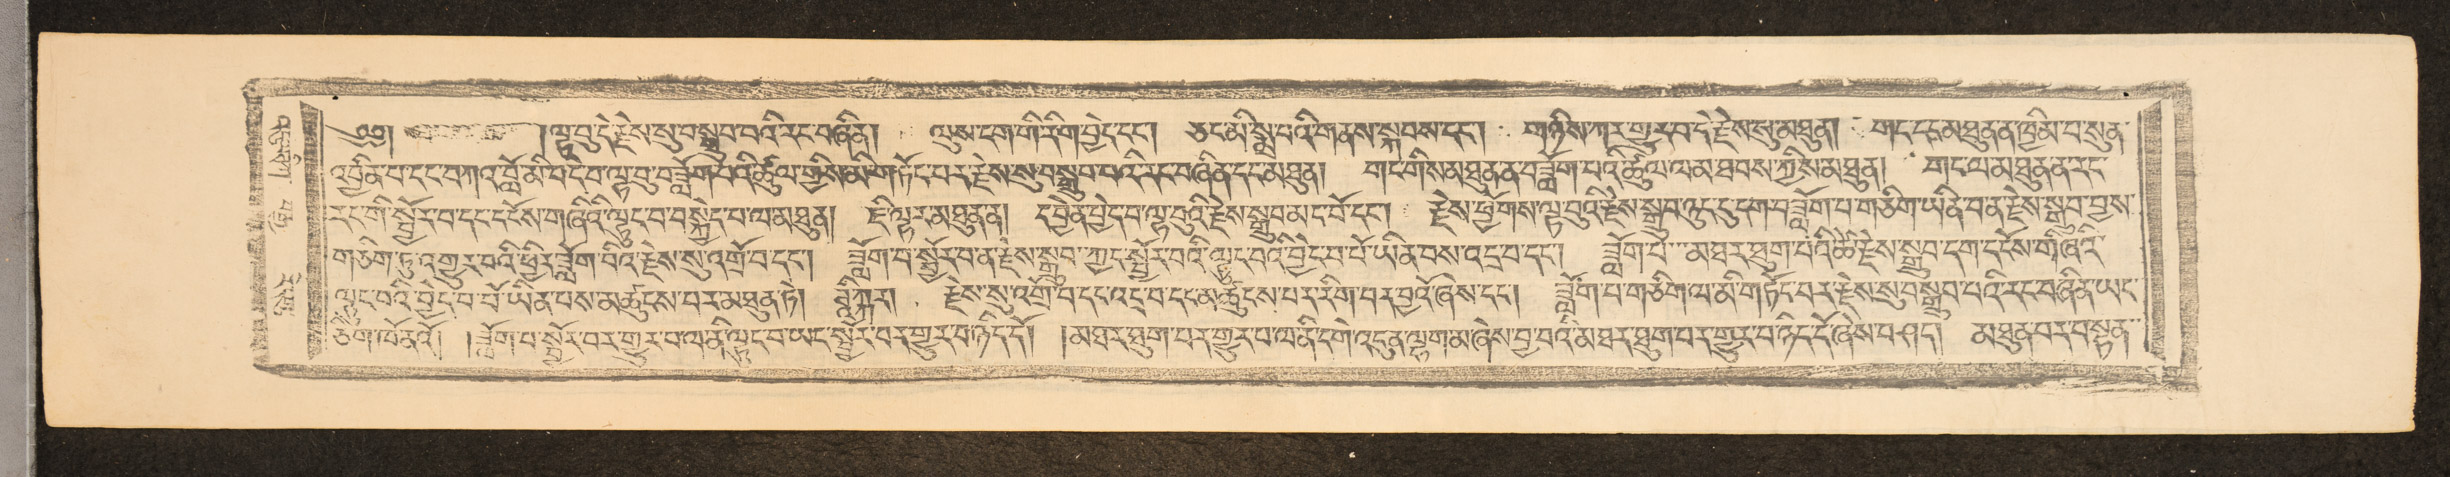༄༅། །ལྟ་བུ་དེ་རྗེས་སུ་བསྒྲུབ་པའི་རང་བཞིན། ལུས་ངག་གི་རིག་བྱེད་དང་། ཅད་མི་སྨྲ་བའི་གནས་སྐབས་དང་། གཉིས་ཀར་གྱུར་བ་དེ་རྗེས་སུ་མཐུན། གང་དང་མཐུན་ན་ཁྱིམ་པ་སུན་
འབྱིན་པ་དང་བཀའ་བློ་མི་བདེ་བ་ལྟ་བུ་བཟློག་པའི་ཚུལ་གྱིས་མི་གཏོད་པར་རྗེས་སུ་བསྒྲུབ་བའི་རང་བཞིན་དང་མཐུན། གང་གིས་མཐུན་ན་བཟློག་པའི་ཚུལ་ལམ་ཐབས་ཀྱིས་མཐུན། གང་ལ་མཐུན་ན་རང་
རང་གི་སྦྱོར་བ་དང་དངོས་གཞིའི་ལྟུང་བ་བསྐྱེད་པ་ལ་མཐུན། ཇི་ལྟར་མཐུན་ན། དབྱེན་བྱེད་བ་ལྟ་བུའི་རྗེས་སྒྲུབ་མང་པོ་དང་། རྗེས་ཕྱོགས་ལྟ་བུའི་རྗེས་སྒྲུབ་ཉུང་དུ་དག་བཟློག་པ་གཅིག་ཡིན་པ་ན་རྗེས་སྒྲུབ་ཀྱང་
གཅིག་ཏུ་འགྱུར་བའི་ཕྱིར་ཟློག་པའི་རྗེས་སུ་འགྲོ་བ་དང་། ཟློག་པ་སྦྱོར་བ་ན་རྗེས་སྒྲུབ་ཀྱང་སྦྱོར་བའི་ལྟུང་བའི་བྱེད་པ་པོ་ཡིན་བས་འདྲ་བ་དང་། ཟློག་པ་མཐར་ཐུག་པའི་ཚེ་རྗེས་སྒྲུབ་དག་དངོས་གཞིའི་
ལྟུང་བའི་བྱེད་པ་པོ་ཡིན་པས་མཚུངས་པར་མཐུན་ཏེ། ཊཱིཀྐར། རྗེས་སུ་འགྲོ་བ་དང་འདྲ་བ་དང་མཚུངས་པར་རིག་པར་བྱའོ་ཞེས་དང་། ཟློག་པ་གཅིག་ལ་མི་གཏོང་བར་རྗེས་སུ་བསྒྲུབ་པའི་རང་བཞིན་ཡང་
ཅིག་ཁོ་ནའོ། །ཟློག་བ་སྦྱོར་བར་གྱུར་བ་ལ་ནི་ལྟུང་བ་ཡང་སྦྱོར་བར་གྱུར་པ་ཉིད་དོ། །མཐར་ཐུག་པར་གྱུར་བ་ལ་ནི་དགེ་འདུན་ལྷག་མ་ཞེས་བྱ་བའི་མཐར་ཐུག་པར་གྱུར་བ་ཉིད་དོ་ཞེས་བཤད། མཐུན་པར་བསྟན་